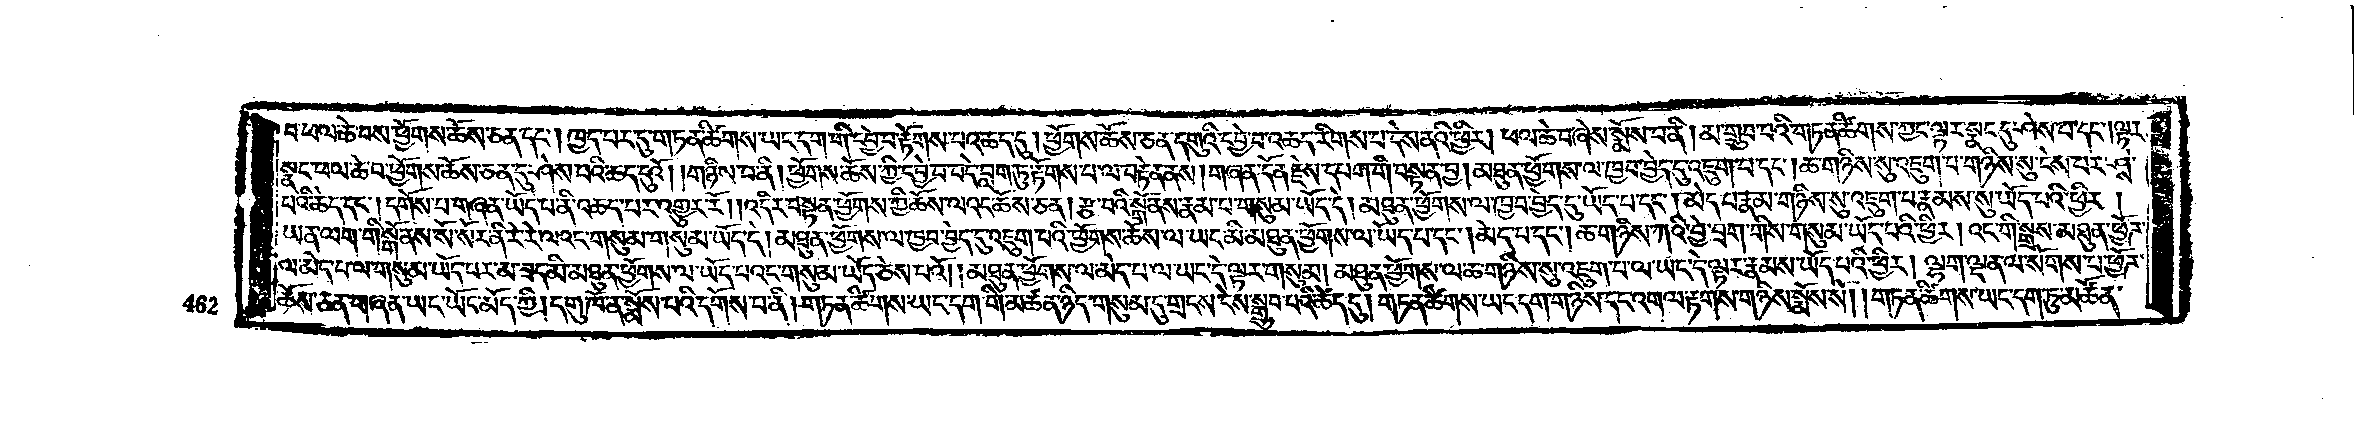བ་ཕལ་ཆེ་བས་ཕྱོགས་ཆོས་ཅན་དང་། ཁྱད་པར་དུ་གཏན་ཚིགས་ཡང་དག་གི་དབྱེ་བ་རྟོགས་པ་འཆད་དུ། །ཕྱོགས་ཆོས་ཅན་དགུའི་དབྱེ་བ་འཆད་རིགས་པ་དེས་ནའི་ཕྱིར། ཕལ་ཆེ་བ་ཞེས་སྨོས་པ་ནི། མ་གྲུབ་པའི་གཏན་ཚིགས་ཀྱང་ལྟར་སྣང་དུ་ཤེས་པ་དང་། ལྟར་
སྣང་ཕལ་ཆེ་བ་ཕྱོགས་ཆོས་ཅན་དུ་ཤེས་པའི་ཆད་དུའོ། །གཉིས་པ་ནི། ཕྱོགས་ཆོས་ཀྱི་དབྱེ་བ་བདེ་བླག་ཏུ་རྟོགས་པ་ལ་བརྟེན་ནས། །གཞན་དོན་རྗེས་དཔག་གི་བསྟན་བྱ། མཐུན་ཕྱོགས་ལ་ཁྱབ་བྱེད་དུ་འཇུག་པ་དང་། ཆ་གཉིས་སུ་འཇུག་པ་གཉིས་སུ་ངེས་པར་ཤེས་
པའི་ཆེད་དང་། དགོས་པ་གཞན་ཡོད་པ་ནི་འཆད་པར་འགྱུར་རོ། །འདིར་བསྟན་ཕྱོགས་ཀྱི་ཆོས་ལའང་ཆོས་ཅན། རྩ་བའི་སྒོ་ནས་རྣམ་པ་གསུམ་ཡོད་དེ། མཐུན་ཕྱོགས་ལ་ཁྱབ་བྱེད་དུ་ཡོད་པ་དང་། མེད་པ་རྣམ་གཉིས་སུ་འཇུག་པ་རྣམས་སུ་ཡོད་པའི་ཕྱིར།
ཡན་ལག་གི་སྒོ་ནས་སོ་སོར་ནི་རེ་རེ་ལའང་གསུམ་གསུམ་ཡོད་དེ། མཐུན་ཕྱོགས་ལ་ཁྱབ་བྱེད་དུ་འཇུག་པའི་ཕྱོགས་ཆོས་ལ་ཡང་མི་མཐུན་ཕྱོགས་ལ་ཡོད་པ་དང་། མེད་པ་དག། ཆ་གཉིས་ཀའི་བྱེ་བྲག་གིས་གསུམ་ཡོད་པའི་ཕྱིར། འོང་གི་སྒྲས་མཐུན་ཕྱོགས་
ལ་མེད་པ་ལ་གསུམ་ཡོད་པར་མ་ཟད་མི་མཐུན་ཕྱོགས་ལ་ཡོད་པའང་གསུམ་ཡོད་ཅེས་པའོ། །མཐུན་ཕྱོགས་ལ་མེད་པ་ལ་ཡང་དེ་ལྟར་གསུམ། མཐུན་ཕྱོགས་ལ་ཆ་གཉིས་སུ་འཇུག་པ་ལ་ཡང་དེ་ལྟར་རྣམས་ཡོད་པའི་ཕྱིར། ལྷག་ལྡན་ལ་སོགས་པ་ཕྱོགས་
ཆོས་ཅན་གཞན་ཡང་ཡོད་མོད་ཀྱི། དགུ་ཁོ་ན་སྨོས་པའི་དགོས་པ་ནི། གཏན་ཚིགས་ཡང་དག་གི་མཚན་ཉིད་གསུམ་དུ་གྲངས་ངེས་སྒྲུབ་པའི་ཆེད་དུ། གཏན་ཚིགས་ཡང་དག་གཉིས་དང་འགལ་རྟགས་གཉིས་སྨོས་སོ། །གཏན་ཚིགས་ཡང་དག་ཏུ་མཚོན་